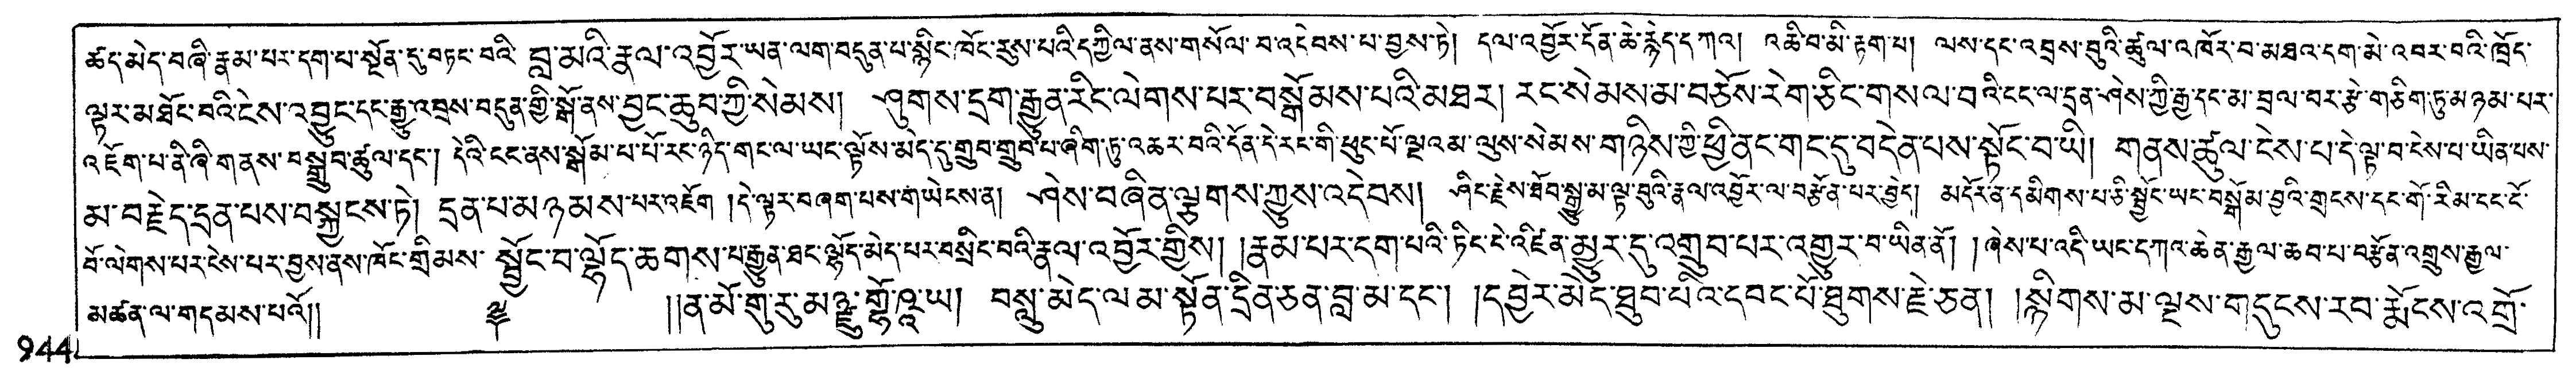ཚད་མེད་བཞི་རྣམ་པར་དག་པ་སྔོན་དུ་བཏང་བའི་བླ་མའི་རྣལ་འབྱོར་ཡན་ལག་བདུན་པ་སྙིང་ཁོང་རུས་པའི་དཀྱིལ་ནས་གསོལ་བ་འདེབས་པ་བྱས་ཏེ། དལ་འབྱོར་དོན་ཆེ་རྙེད་དཀའ། འཆི་བ་མི་རྟག་པ། ལས་དང་འབྲས་བུའི་ཚུལ་འཁོར་བ་མཐའ་དག་མེ་འབར་བའི་ཁྲོད་
ལྟར་མཐོང་བའི་ངེས་འབྱུང་དང་རྒྱུ་འབྲས་བདུན་གྱི་སྒོ་ནས་བྱང་ཆུབ་ཀྱི་སེམས། ཤུགས་དྲག་རྒྱུན་རིང་ལེགས་པར་བསྒོམས་པའི་མཐར། རང་སེམས་མ་བཅོས་རེག་ཅིང་གསལ་བའི་ངང་ལ་དྲན་ཤེས་ཀྱི་རྒྱ་དང་མ་བྲལ་བར་རྩེ་གཅིག་ཏུ་མཉམ་པར་
འཇོག་པ་ནི་ཞི་གནས་བསྒྲུབ་ཚུལ་དང་། དེའི་ངང་ནས་སྒོམ་པ་པོ་རང་ཉིད་གང་ལ་ཡང་ལྟོས་མེད་དུ་གྲུབ་གྲུབ་པ་ཞིག་ཏུ་འཆར་བའི་དོན་དེ་རང་གི་ཕུང་པོ་ལྔའམ་ལུས་སེམས་གཉིས་ཀྱི་ཕྱི་ནང་གང་དུ་བདེན་པས་སྟོང་པ་ཡི། གནས་ཚུལ་ངེས་པ་དེ་ལྟ་བ་ངེས་པ་ཡིན་པས
མ་བརྗེད་དྲན་པས་བསྐྱངས་ཏེ། དྲན་པ་མཉམས་པར་འཇོག །དེ་ལྟར་བཞག་པས་གཡེངས་ན།  ཤེས་བཞིན་ལྕགས་ཀྱུས་འདེབས། ཤིང་རྗེས་ཐོབ་སྒྱུ་མ་ལྟ་བུའི་རྣལ་འབྱོར་ལ་བརྩོན་པར་བྱེད། མདོར་ན་དམིགས་པ་ཅི་སྦྱོང་ཡང་བསྒོམ་བྱའི་གྲངས་དང་གོ་རིམ་དང་ངོ་
བོ་ལེགས་པར་ངེས་པར་བྱས་ནས་ཁོང་གྲིམས་སྦྱོང་བ་ལྷོད་ཆགས་པ་རྒྱུན་ཐང་ལྷོད་མེད་པར་བསྲིང་བའི་རྣལ་འབྱོར་གྱིས། །རྣམ་པར་དག་པའི་ཏིང་ངེ་འཛིན་མྱུར་དུ་འགྲུབ་པར་འགྱུར་བ་ཡིན་ནོ། །ཞེས་པ་འདི་ཡང་དཀའ་ཆེན་རྒྱལ་ཆབ་པ་བརྩོན་འགྲུས་རྒྱལ་
མཚན་ལ་གདམས་པའོ།། ༈ །།ན་མོ་གུ་རུ་མཉྫུ་གྷོ་ཥཱ་ཡ། བསླུ་མེད་ལམ་སྟོན་དྲིན་ཅན་བླ་མ་དང་། །དབྱེར་མེད་ཐུབ་པའི་དབང་པོ་ཐུགས་རྗེ་ཅན། །སྙིགས་མ་ལྔས་གདུངས་རབ་རྨོངས་འགྲོ་